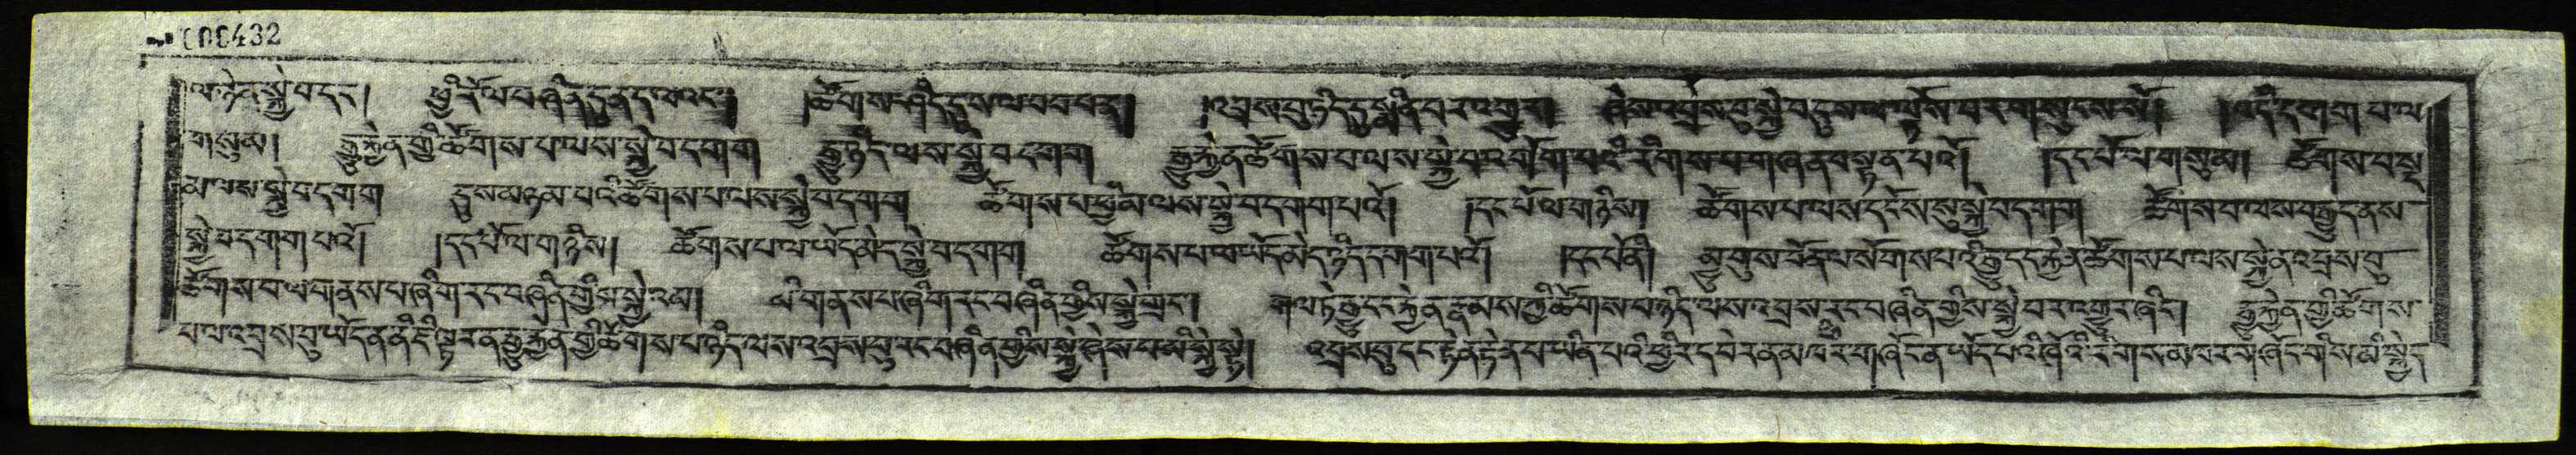ལ་ཉེན་སྐྱེ་བ་དང་། ཕྱི་རོལ་བཞིན་དུ་ནད་ལའང་། །ཚོགས་ཤིང་དུས་ལ་བབ་པ་ན། །འབྲས་བུ་ཉིད་དུ་སྨིན་པར་འགྱུར། ཞེས་འབྲས་བུ་སྐྱེ་བ་དུས་ལ་ལྟོས་པར་གསུངས་སོ། །འདི་དགག་པ་ལ་
གསུམ། རྒྱུ་རྐྱེན་གྱི་ཚོགས་པ་ལས་སྐྱེ་བ་དགག་རྒྱུ་ཉིད་ལས་སྐྱེ་བ་དགག་རྒྱུ་རྐྱེན་ཚོགས་པ་ལས་སྐྱེ་བ་འགོག་པའི་རིགས་པ་གཞན་བསྟན་པའོ། །དང་པོ་ལ་གསུམ། ཚོགས་པ་སྔ་
མ་ལས་སྐྱེ་བ་དགག་དུས་མཉམ་པའི་ཚོགས་པ་ལས་སྐྱེ་བ་དགག་ཚོགས་པ་ཕྱི་མ་ལས་སྐྱེ་བ་དགག་པའོ། །དང་པོ་ལ་གཉིས། ཚོགས་པ་ལས་དངོས་སུ་སྐྱེ་བ་དགག་ཚོགས་པ་ལས་བརྒྱུད་ནས་
སྐྱེ་བ་དགག་པའོ། །དང་པོ་ལ་གཉིས། ཚོགས་པ་ལ་ཡོད་མེད་སྐྱེ་བ་དགག་ཚོགས་པ་ལ་ཡོད་མེད་ཉིད་དགག་པའོ། །དང་པོ་ནི། མྱུ་གུ་ས་བོན་ལ་སོགས་པའི་རྒྱུ་དང་རྐྱེན་ཚོགས་པ་ལས་སྐྱེ་ན་འབྲས་བུ་
ཚོགས་པ་ལ་གནས་པ་ཞིག་རང་བཞིན་གྱིས་སྐྱེའམ། མི་གནས་པ་ཞིག་རང་བཞིན་གྱིས་སྐྱེ་གྲང་། གལ་ཏེ་རྒྱུ་དང་རྐྱེན་རྣམས་ཀྱི་ཚོགས་པ་ཉིད་ལས་འབྲས་རང་བཞིན་གྱིས་སྐྱེ་བར་འགྱུར་ཞིང་། རྒྱུ་རྐྱེན་གྱི་ཚོགས་
པ་ལ་འབྲས་བུ་ཡོད་ན་ནི་ཇི་ལྟར་ན་རྒྱུ་རྐྱེན་གྱི་ཚོགས་པ་ཉིད་ལས་འབྲས་བུ་རང་བཞིན་གྱིས་སྐྱེ་ཞེས་པ་མི་སྐྱེ་སྟེ། འབྲས་བུ་དང་རྟེན་རྟེན་པ་ཡིན་པའི་ཕྱིར་དཔེར་ན་མཁར་གཞོང་ན་ཡོད་པའི་ཞོའི་རིགས་མཁར་གཞོང་གིས་མི་སྐྱེད་